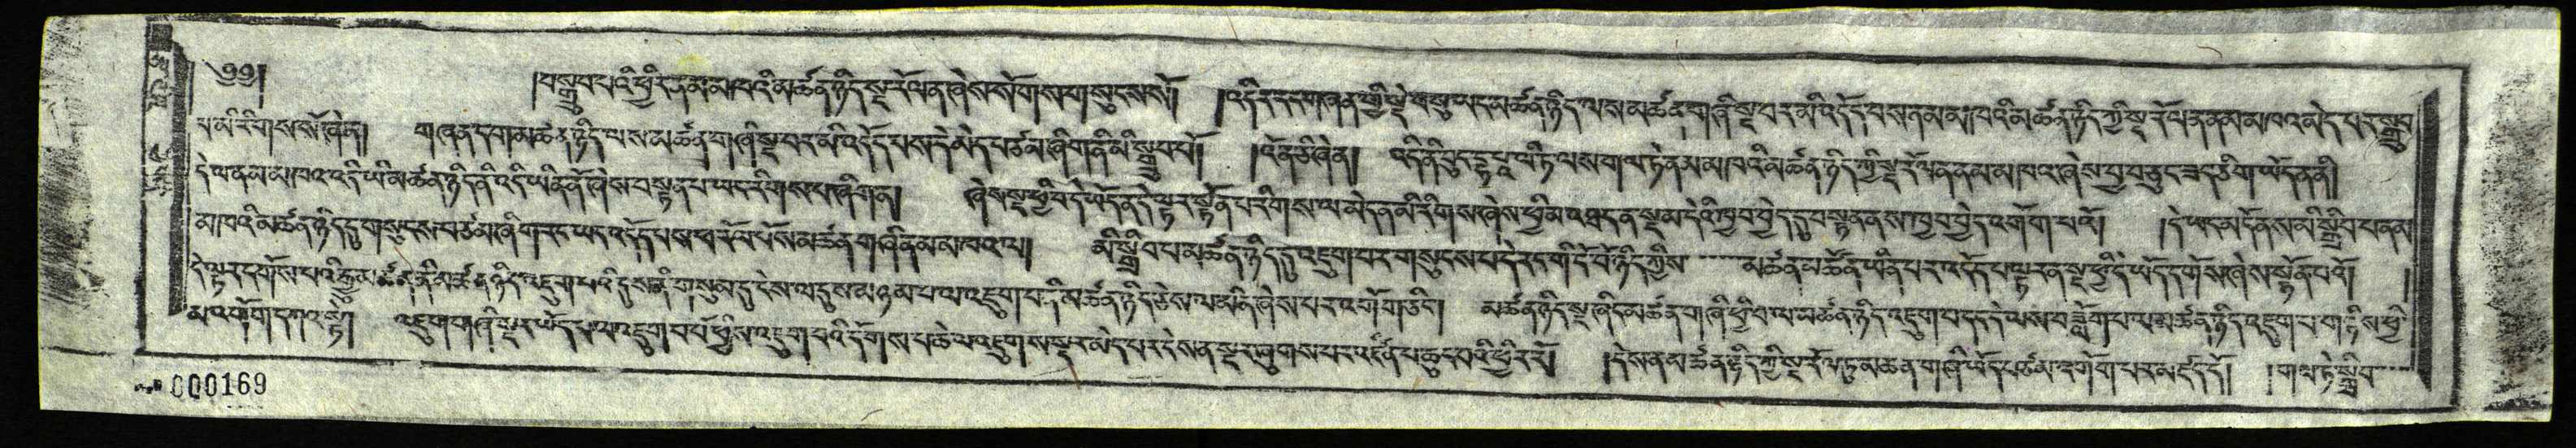༄༅། །བསྒྲུབ་པའི་ཕྱིར་ནམ་མཁའི་མཚན་ཉིད་སྔ་རོལ་ན་ཞེས་སོགས་གསུངས་སོ། །འདིར་རང་གཞན་གྱི་སྡེ་བ་སུ་ཡང་མཚན་ཉིད་ལས་མཚན་གཞི་སྔ་བར་མི་འདོད་པས་ནམ་མཁའི་མཚན་ཉིད་ཀྱི་སྔ་རོལ་ན་ནམ་མཁའ་མེད་པར་སྒྲུབ་
པ་མི་རིགས་སོ་ཞེ་ན། གཞན་དག་མཚན་ཉིད་ལས་མཚན་གཞི་སྔ་བར་མི་འདོད་པས་དེ་མེད་པ་ཙམ་ཞིག་ནི་མི་སྒྲུབ་པོ། །འོ་ན་ཅི་ཞེ་ན། འདི་ནི་བུད་དྷ་པཱ་ལི་ཏ་ལས་གལ་ཏེ་ནམ་མཁའི་མཚན་ཉིད་ཀྱི་སྔ་རོལ་ན་ནམ་མཁའ་ཞེས་བྱ་བ་ཅུང་ཟད་ཅིག་ཡོད་ན་ནི།
དེ་ལ་ནམ་མཁའ་འདི་ཡི་མཚན་ཉིད་ནི་འདི་ཡིན་ནོ་ཞེས་བསྟན་པ་ཡང་རིགས་པ་ཞིག་ན། ཞེས་སྔ་ཕྱི་བ་དེ་ཡོད་ན་དེ་ལྟར་སྟོན་པ་རིགས་ལ་མེད་ན་མི་རིགས་ཞེས་ཕྱི་མ་འཐད་ན་སྔ་མ་དེའི་ཁྱབ་བྱེད་དུ་བསྟན་ནས་ཁྱབ་བྱེད་འགོག་པའོ། །དེ་ཡང་མདོ་ནས་མི་སྒྲིབ་པ་ནམ་
མཁའི་མཚན་ཉིད་དུ་གསུངས་པ་ཙམ་ཞིག་རང་ཡང་འདོད་པས་ཕ་རོལ་པོས་མཚན་གཞི་ནམ་མཁའ་ལ། མི་སྒྲིབ་པ་མཚན་ཉིད་དུ་འཇུག་པར་གསུངས་པ་དེ་རང་གི་ངོ་བོ་ཉིད་ཀྱིས་མཚན་མཚོན་ཡིན་པར་འདོད་པ་ལྟར་ན་སྔ་ཕྱི་དེ་ཡོད་དགོས་ཞེས་སྟོན་པའོ། །
དེ་ལྟར་དགོས་པའི་རྒྱུ་མཚན་ནི་མཚན་ཉིད་འཇུག་པའི་དུས་ནི་གསུམ་དུ་ངེས་ལ་དུས་མཉམ་པ་ལ་འཇུག་པ་ནི་མཚན་ཉིད་ཅེས་ལ་མིན་ཞེས་པར་འགོག་ཅིང་། མཚན་ཉིད་སྔ་ཞིང་མཚན་གཞི་ཕྱི་བ་ལ་མཚན་ཉིད་འཇུག་པ་དང་དེ་ལས་བཟློག་པ་ལ་མཚན་ཉིད་འཇུག་པ་གཉིས་ཕྱི་
མ་འགོག་དཀའ་སྟེ། འཇུག་གཞི་སྔར་ཡོད་པ་ལ་འཇུག་པ་པོ་ཕྱིས་འཇུག་པའི་དོགས་པ་ཆེ་ལ་འཇུགས་སྔར་མེད་པར་ངེས་ན་སྔར་ཞུགས་པར་འཛིན་པ་ཆུང་བའི་ཕྱིར་རོ། །དེས་ན་མཚན་ཉིད་ཀྱི་སྔ་རོལ་ཏུ་མཚན་གཞི་ཡོད་པ་ཙམ་འགོག་པར་མཛད་དོ། །གལ་ཏེ་སྒྲིབ་